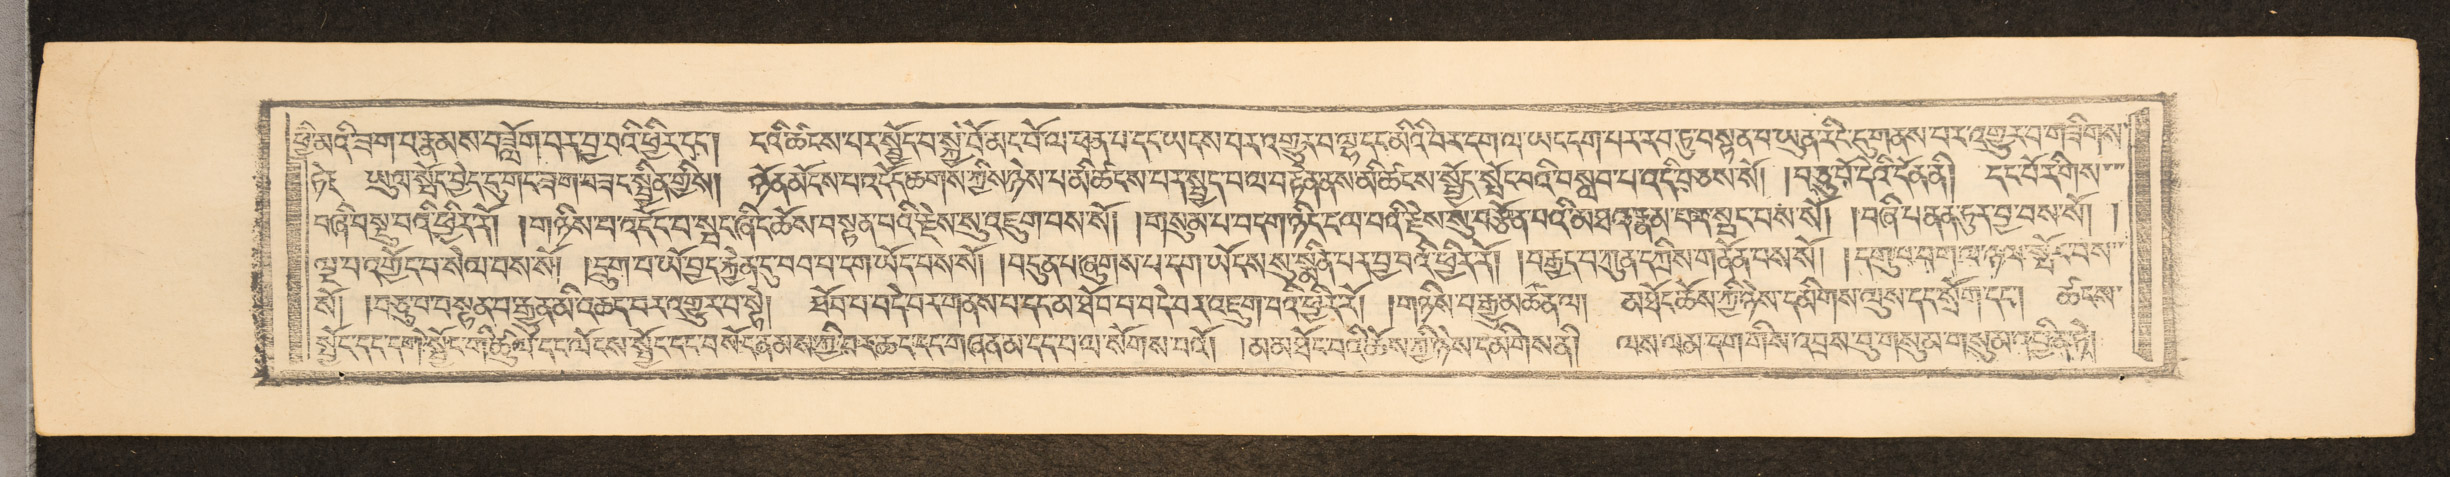ཕྱི་མའི་ཟག་པ་རྣམས་བཟློག་པར་བྱ་བའི་ཕྱིར་དང་། ངའི་ཚངས་པར་སྤྱོད་པ་སྐྱེ་བོ་མང་པོ་ལ་ཕན་པ་དང་ཡངས་པར་འགྱུར་བ་ལྷ་དང་མིའི་བར་དག་ལ་ཡང་དག་པར་རབ་ཏུ་བསྟན་པ་ཡུན་རིང་དུ་གནས་པར་འགྱུར་བ་གཟིགས་
ཏེ༑ ཡུལ་སྤོང་བྱེད་དུ་གང་ཟག་བཟང་སྦྱིན་གྱིས། ཉོན་མོངས་པ་འདོད་ཆགས་ཀྱིས་ཉེས་པ་མི་ཚངས་པར་སྤྱད་པ་ལ་བརྟེན་ནས་མི་ཚངས་སྤྱོད་སྤོང་བའི་བསླབ་པ་འདི་བཅས་སོ། །བཅུ་པོ་དེའི་དོན་ནི། དང་པོ་རིགས་
བཞི་བསྡུ་བའི་ཕྱིར་རོ། །གཉིས་པ་འདོད་པ་སྤང་ཞིང་ཆོས་བསྟན་པའི་རྗེས་སུ་འཇུག་པས་སོ། །གསུམ་པ་བདག་ཉིད་དལ་བའི་རྗེས་སུ་བརྩོན་པའི་མཐའ་རྣམ་པར་སྤང་པས་སོ། །བཞི་པ་ནན་ཏུར་བྱ་བས་སོ། །
ལྔ་པ་འགྱོད་པ་སེལ་བས་སོ། །དྲུག་པ་ཡོ་བྱང་རྐྱེན་དུ་བབ་པ་དག་ཡོད་པས་སོ། །བདུན་པ་ཞུགས་པ་དག་ཡོངས་སུ་སྨིན་པར་བྱ་བའི་ཕྱིར་རོ། །བརྒྱད་བ་ཀུན་དཀྲིས་གནོན་པས་སོ། །དགུ་པ་བག་ལ་ཉལ་སྤོང་བས་
སོ། །བཅུ་པ་བསྟན་པ་རྒྱུན་མི་འཆད་པར་འགྱུར་བ་སྟེ། ཐོབ་པ་བདེ་བར་གནས་བ་དང་མ་ཐོབ་པ་བདེ་བར་འཇུག་པའི་ཕྱིར་རོ། །གཉིས་པ་རྒྱུ་མཚན་ལ། མཐོང་ཆོས་ཀྱི་ཉེས་དམིགས་ལུས་དང་སྲོག་དང་། ཚངས་
སྤྱོད་དང་དགེ་སྦྱོང་གི་ཚུལ་དང་ལོངས་སྤྱོད་དང་བསོད་ནམས་ཀྱི་བར་ཆང་དང་གཞན་མ་དད་པ་ལ་སོགས་པའོ། །མ་མཐོང་བའི་ཆོས་ཀྱི་ཉེས་དམིགས་ནི། ལས་ལམ་དག་གིས་འབྲས་བུ་གསུམ་གསུམ་འབྱིན་ཏེ།